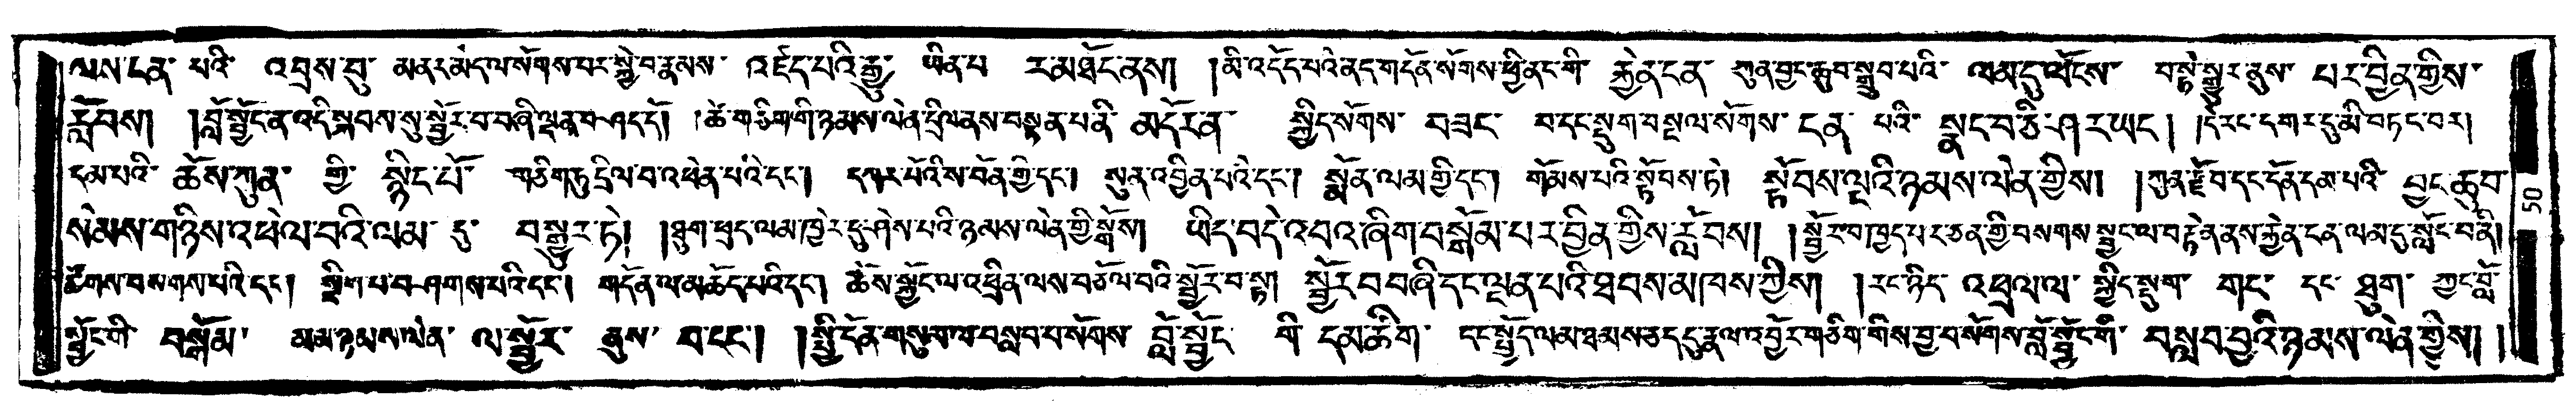ལས་ངན་པའི་འབྲས་བུ་མནར་མེད་ལ་སོགས་པར་སྐྱེ་བ་རྣམས་འཛད་པའི་རྒྱུ་ཡིན་པར་མཐོང་ནས། །མི་འདོད་པའི་ནད་གདོན་སོགས་ཕྱི་ནང་གི་རྐྱེན་ངན་ཀུན་བྱང་ཆུབ་སྒྲུབ་པའི་ལམ་དུ་ལོངས་པ་སྟེ་སྒྱུར་ནུས་པར་བྱིན་གྱིས་
རློབས། །བློ་སྦྱོང་ན་འདི་སྐབས་སུ་སྦྱོར་བ་བཞི་ལྡན་བཤད་དོ། །ཚེ་གཅིག་གི་ཉམས་ལེན་དྲིལ་ནས་བསྟན་པ་ནི་མདོར་ན་སྐྱིད་སོགས་བཟང་བ་དང་སྡུག་བསྔལ་སོགས་ངན་པའི་སྣང་བ་ཅི་ཤར་ཡང་། །དེ་རང་དགར་དུ་མི་བཏང་བར།
དམ་པའི་ཆོས་ཀུན་གྱི་སྙིང་པོ་གཅིག་ཏུ་དྲིལ་བ་འཕེན་པའི་དང་། དཀར་པོའི་ས་བོན་གྱི་དང་། སུན་འབྱིན་པའི་དང་། སྨོན་ལམ་གྱི་དང་། གོམས་པའི་སྟོབས་ཏེ། སྟོབས་ལྔའི་ཉམས་ལེན་གྱིས། །ཀུན་རྫོབ་དང་དོན་དམ་པའི་བྱང་ཆུབ་
སེམས་གཉིས་འཕེལ་བའི་ལམ་དུ་བསྒྱུར་ཏེ། །ཐུག་ཕྲད་ལམ་ཁྱེར་དུ་ཤེས་པའི་ཉམས་ལེན་གྱི་སྒོས། ཡིད་བདེ་འབའ་ཞིག་བསྒོམ་པར་བྱིན་གྱིས་རློབས། །སྦྱོར་བ་ཁྱད་པར་ཅན་གྱི་བསགས་སྦྱང་ལ་བརྟེན་ནས་རྐྱེན་ངན་ལམ་དུ་སློང་བ་ནི།
ཚོགས་བསགས་པའི་དང་། སྡིག་པ་བཤགས་པའི་དང་། གདོན་ལ་མཆོད་པའི་དང་། ཆོས་སྐྱོང་ལ་འཕྲིན་ལས་བཅོལ་བའི་སྦྱོར་བ་སྟ། སྦྱོར་བ་བཞི་དང་ལྡན་པའི་ཐབས་མཁས་ཀྱིས། །རང་ཉིད་འཕྲལ་ལ་སྐྱིད་སྡུག་གང་དང་ཐུག་ཀྱང་བློ་
སྦྱོང་གི་བསྒོམ་མམ་ཉམས་ལེན་ལ་སྦྱོར་ནུས་པ་དང་། །སྤྱི་དོན་གསུམ་ལ་བསླབ་པ་སོགས་བློ་སྦྱོང་གི་དམ་ཚིག་དང་སྤྱོད་ལམ་ཐམས་ཅད་དུ་རྣལ་འབྱོར་གཅིག་གིས་བྱ་བ་སོགས་བློ་སྦྱོང་གི་བསླབ་བྱའི་ཉམས་ལེན་གྱིས། །